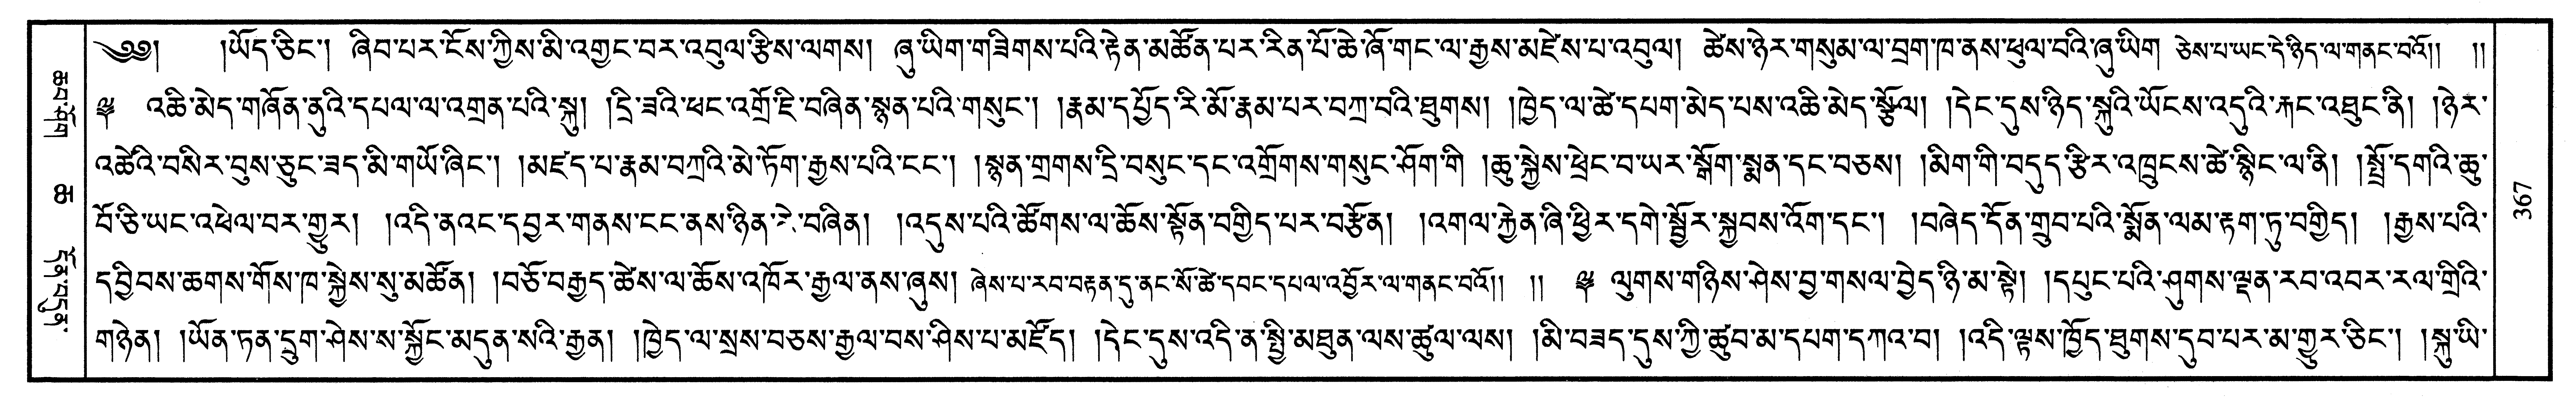༄༅། །ཡོད་ཅིང་། ཞིབ་པར་ངོས་ཀྱིས་མི་འགྱང་བར་འབུལ་རྩིས་ལགས། ཞུ་ཡིག་གཟིགས་པའི་རྟེན་མཚོན་པར་རིན་པོ་ཆེ་ཞོ་གང་ལ་རྒྱས་མཛེས་པ་འབུལ། ཚེས་ཉེར་གསུམ་ལ་བྲག་ཁ་ནས་ཕུལ་བའི་ཞུ་ཡིག་ཅེས་པ་ཡང་དེ་ཉིད་ལ་གནང་བའོ།། །།
༈ འཆི་མེད་གཞོན་ནུའི་དཔལ་ལ་འགྲན་པའི་སྐུ། །དྲི་ཟའི་ཕང་འགྲོ་ཇི་བཞིན་སྙན་པའི་གསུང་། །རྣམ་དཔྱོད་རི་མོ་རྣམ་པར་བཀྲ་བའི་ཐུགས། །ཁྱེད་ལ་ཚེ་དཔག་མེད་པས་འཆི་མེད་སྩོལ། །དེང་དུས་ཉིད་སྐུའི་ཡོངས་འདུའི་རྐང་འཐུང་ནི། །ཉེར་
འཚེའི་བསིར་བུས་ཅུང་ཟད་མི་གཡོ་ཞིང་། །མཛད་པ་རྣམ་བཀྲའི་མེ་ཏོག་རྒྱས་པའི་ངང་། །སྙན་གྲགས་དྲི་བསུང་དང་འགྲོགས་གསུང་ཤོག་གི །ཆུ་སྐྱེས་ཕྲེང་བ་ཡར་སྒོག་སྨན་དང་བཅས། །མིག་གི་བདུད་རྩིར་འཁྲུངས་ཚེ་སྙིང་ལ་ནི། །སྤྲོ་དགའི་ཆུ་
བོ་ཅི་ཡང་འཕེལ་བར་གྱུར། །འདི་ནའང་དབྱར་གནས་ངང་ནས་ཉིན་རེ་བཞིན། །འདུས་པའི་ཚོགས་ལ་ཆོས་སྟོན་བགྱིད་པར་བརྩོན། །འགལ་རྐྱེན་ཞི་ཕྱིར་དགེ་སྦྱོར་སྐྱབས་འོག་དང་། །བཞེད་དོན་གྲུབ་པའི་སྨོན་ལམ་རྟག་ཏུ་བགྱིད། །རྒྱས་པའི་
དབྱིབས་ཆགས་གོས་ཁ་སྐྱེས་སུ་མཚོན། །བཅོ་བརྒྱད་ཚེས་ལ་ཆོས་འཁོར་རྒྱལ་ནས་ཞུས། ཞེས་པ་རབ་བརྟན་དུ་ནང་སོ་ཚེ་དབང་དཔལ་འབྱོར་ལ་གནང་བའོ།། །། ༈ ལུགས་གཉིས་ཤེས་བྱ་གསལ་བྱེད་ཉི་མ་སྟེ། །དཔུང་པའི་ཤུགས་ལྡན་རབ་འབར་རལ་གྲིའི་
གཉེན། །ཡོན་ཏན་དྲུག་ཤེས་ས་སྐྱོང་མདུན་སའི་རྒྱན། །ཁྱེད་ལ་སྲས་བཅས་རྒྱལ་བས་ཤིས་པ་མཛོད། །དེང་དུས་འདི་ན་སྤྱི་མཐུན་ལས་ཚུལ་ལས། །མི་བཟད་དུས་ཀྱི་ཚུབ་མ་དཔག་དཀའ་བ། །འདི་ལྟས་ཁྱོད་ཐུགས་དུབ་པར་མ་གྱུར་ཅིང་། །སྐུ་ཡི་